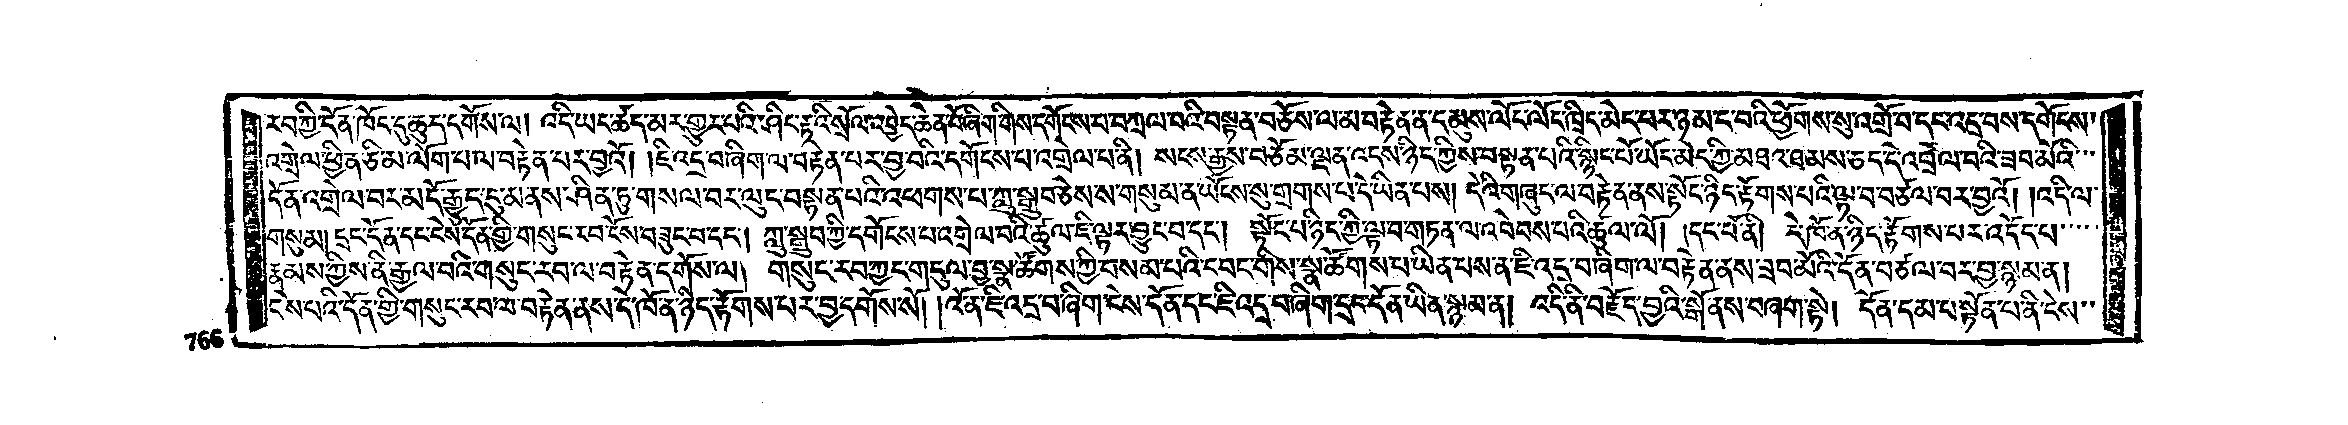རབ་ཀྱི་དོན་ཁོང་དུ་ཆུད་དགོས་ལ། འདི་ཡང་ཚད་མར་གྱུར་པའི་ཤིང་རྟའི་སྲོལ་འབྱེད་ཆེན་པོ་ཞིག་གིས་དགོངས་པ་བཀྲལ་བའི་བསྟན་བཅོས་ལམ་བརྟེན་ན་དམུས་ལོང་ལོང་ཁྲིད་མེད་པར་ཉམ་ང་བའི་ཕྱོགས་སུ་འགྲོ་བ་དང་འདྲ་བས་དགོངས་
འགྲེལ་ཕྱིན་ཅི་མ་ལོག་པ་ལ་བརྟེན་པར་བྱའོ། །ཇི་འདྲ་བ་ཞིག་ལ་བརྟེན་པར་བྱ་བའི་དགོངས་པ་འགྲེལ་པ་ནི། སངས་རྒྱས་བཅོམ་ལྡན་འདས་ཉིད་ཀྱིས་བསྟན་པའི་སྙིང་པོ་ཡོད་མེད་ཀྱི་མཐའ་ཐམས་ཅད་དང་བྲལ་བའི་ཟབ་མོའི་
དོན་འགྲེལ་བར་མདོ་རྒྱུད་དུ་མ་ནས་ཤིན་ཏུ་གསལ་བར་ལུང་བསྟན་པའི་འཕགས་པ་ཀླུ་སྒྲུབ་ཅེས་ས་གསུམ་ན་ཡོངས་སུ་གྲགས་པ་དེ་ཡིན་པས། དེའི་གཞུང་ལ་བརྟེན་ནས་སྟོང་ཉིད་རྟོགས་པའི་ལྟ་བ་བཙལ་བར་བྱའོ། །འདི་ལ་
གསུམ། དྲང་དོན་དང་ངེས་དོན་གྱི་གསུང་རབ་ངོས་བཟུང་བ་དང་། ཀླུ་སྒྲུབ་ཀྱི་དགོངས་པ་འགྲེལ་བའི་ཚུལ་ཇི་ལྟར་བྱུང་བ་དང་། སྟོང་པ་ཉིད་ཀྱི་ལྟ་བ་གཏན་ལ་འབེབས་པའི་ཚུལ་ལོ། །དང་པོ་ནི། དེ་ཁོ་ན་ཉིད་རྟོགས་པར་འདོད་པ་
རྣམས་ཀྱིས་ནི་རྒྱལ་བའི་གསུང་རབ་ལ་བརྟེན་དགོས་ལ། གསུང་རབ་ཀྱང་གདུལ་བྱ་སྣ་ཚོགས་ཀྱི་བསམ་པའི་དབང་གིས་སྣ་ཚོགས་པ་ཡིན་པས་ན་ཇི་འདྲ་བ་ཞིག་ལ་བརྟེན་ནས་ཟབ་མོའི་དོན་བཙལ་བར་བྱ་སྙམ་ན།
ངེས་པའི་དོན་གྱི་གསུང་རབ་ལ་བརྟེན་ནས་དེ་ཁོ་ན་ཉིད་རྟོགས་པར་བྱ་དགོས་སོ། །འོ་ན་ཇི་འདྲ་བ་ཞིག་ངེས་དོན་དང་ཇི་འདྲ་བ་ཞིག་དྲང་དོན་ཡིན་སྙམ་ན། འདི་ནི་བརྗོད་བྱའི་སྒོ་ནས་བཞག་སྟེ། དོན་དམ་པ་སྟོན་པ་ནི་ངེས་